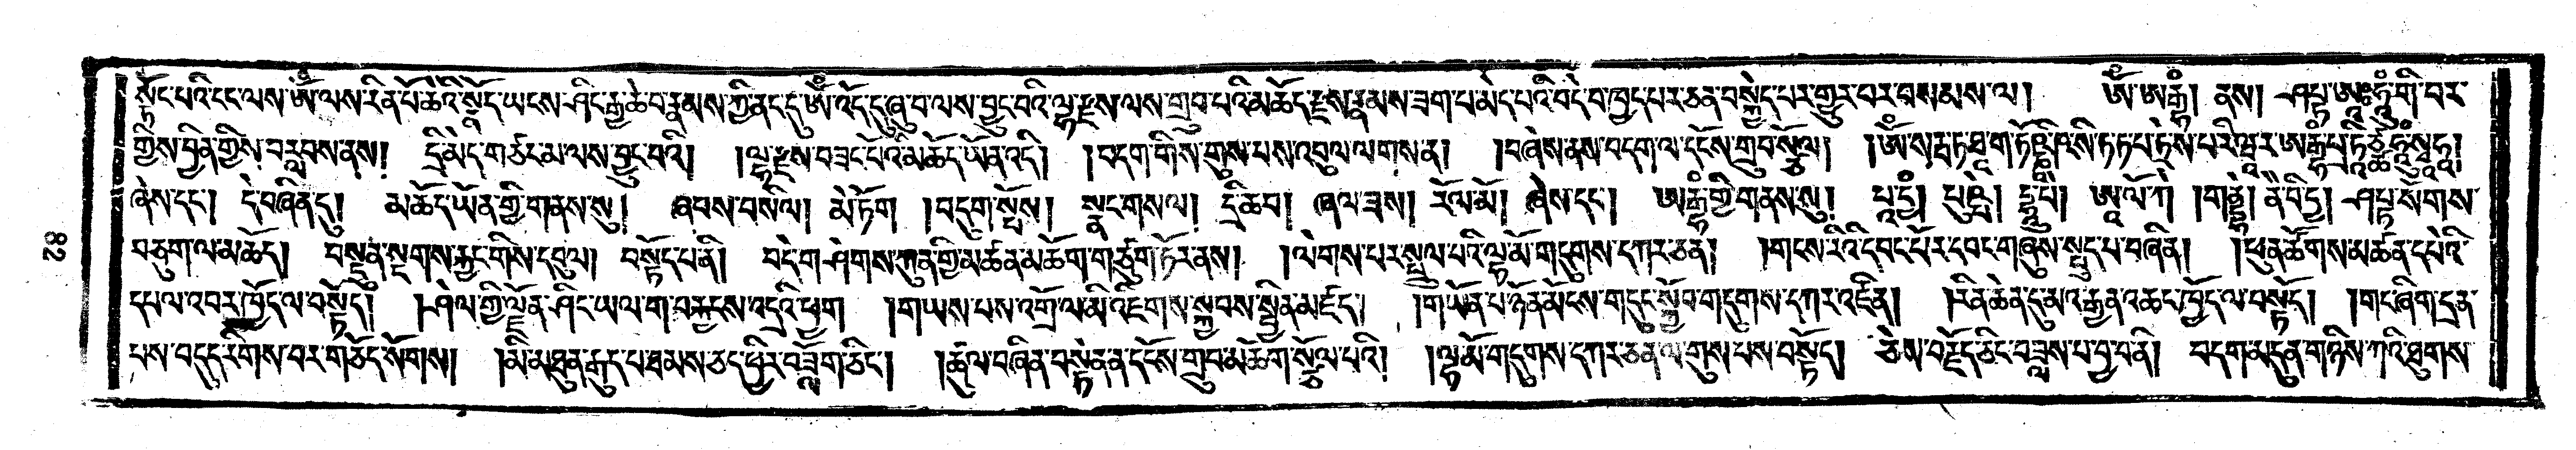སྟོང་པའི་ངང་ལས་ཨོཾ་ལས་རིན་པོ་ཆེའི་སྣོད་ཡངས་ཤིང་རྒྱ་ཆེ་བ་རྣམས་ཀྱི་ནང་དུ་ཨོཾ་འོད་དུ་ཞུ་བ་ལས་བྱུང་བའི་ལྷ་རྫས་ལས་གྲུབ་པའི་མཆོད་རྫས་རྣམས་ཟག་པ་མེད་པའི་བདེ་བ་ཁྱད་པར་ཅན་བསྐྱེད་པར་གྱུར་པར་བསམས་ལ། ཨོཾ་ཨ་རྒྷཾ། ནས། ཤ་པྟ་ཨཱཿཧཱུཾ་གི་བར་
གྱིས་བྱིན་གྱིས་བརླབས་ནས། དྲི་མེད་གཙང་མ་ལས་བྱུང་བའི། །ལྷ་རྫས་བཟང་པོའི་མཆོད་ཡོན་འདི། །བདག་གིས་གུས་པས་འབུལ་ལགས་ན། །བཞེས་ནས་བདག་ལ་དངོས་གྲུབ་སྩོལ། །ཨོཾ་སརྦ་ཏ་ཐཱ་ག་ཏོ་ཥྞཱི་ཥ་སི་ཏ་ཏ་པ་ཏྲེ་ས་པ་རི་ཝཱ་ར་ཨ་རྒྷཾ་པྲ་ཏཱི་ཙྪ་ཧཱུཾ་སྭཱ་ཧཱ།
ཞེས་དང་། དེ་བཞིན་དུ། མཆོད་ཡོན་གྱི་གནས་སུ། ཞབས་བསིལ། མེ་ཏོག །བདུག་སྤོས། སྣང་གསལ། དྲི་ཆབ། ཞལ་ཟས། རོལ་མོ། ཞེས་དང་། ཨརྒྷཾ་གྱི་གནས་སུ། པཱ་དྱཾ། པུཥྤེ། དྷཱུ་པེ། ཨཱ་ལོ་ཀེ །གནྡྷེ། ནཻ་བི་དྱ། ཤཔྟ་སོགས་
བཅུག་ལ་མཆོད། བསྡུན་སྔགས་རྐྱང་གིས་དབུལ། བསྟོད་པ་ནི། བདེ་གཤེགས་ཀུན་གྱི་མཚན་མཆོག་གཙུག་ཏོར་ནས། །ལེགས་པར་སྤྲུལ་བའི་ལྷ་མོ་གདུགས་དཀར་ཅན། །གངས་རིའི་དབང་པོར་དབང་གཞུས་སྤུད་པ་བཞིན། །ཕུན་ཚོགས་མཚན་དཔེའི་
དཔལ་འབར་ཁྱོད་ལ་བསྟོད། །ཤེལ་གྱི་ལྗོན་ཤིང་ཡལ་ག་བརྐྱངས་འདྲའི་ཕྱག །གཡས་པས་འགྲོ་ལ་མི་འཇིགས་སྐྱབས་སྦྱིན་མཛད། །གཡོན་པ་ཉོན་མོངས་གདུང་སྐྱོབ་གདུགས་དཀར་འཛིན། །རིན་ཆེན་དུ་མའ་རྒྱན་འཆང་ཁྱོད་ལ་བསྟོད། །གང་ཞིག་དྲན་
པས་བདུད་རིགས་བར་གཅོད་སོགས། །མི་མཐུན་རྒུད་པ་ཐམས་ཅད་ཕྱིར་བཟློག་ཅིང་། །ཚུལ་བཞིན་བསྟེན་ན་དངོས་གྲུབ་མཆོག་སྩོལ་པའི། །ལྷ་མོ་གདུགས་དཀར་ཅན་ལ་གུས་པས་བསྟོད། ཅེས་བརྗོད་ཅིང་བཟླས་པ་བྱ་བ་ནི། བདག་མདུན་གཉིས་ཀའི་ཐུགས་